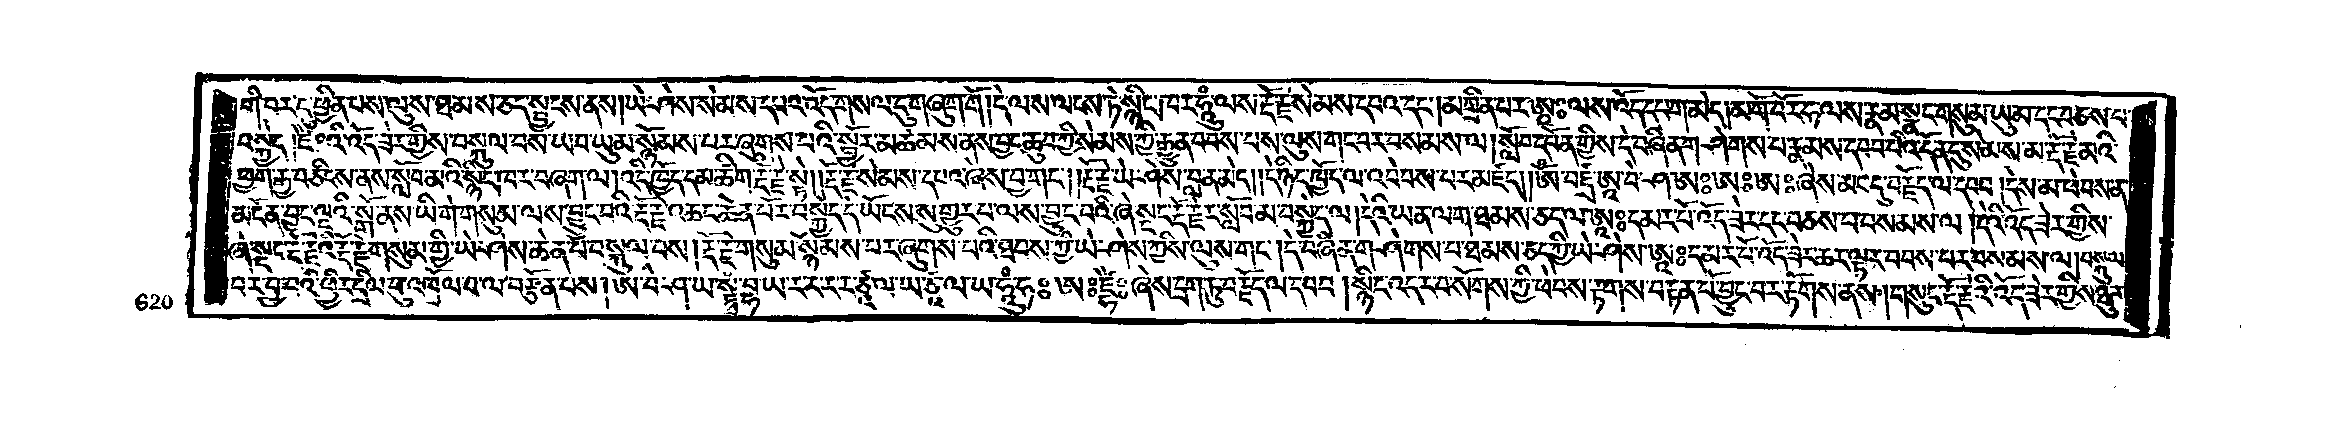གི་བར་དུ་ཕྱིན་པས་ལུས་ཐམས་ཅད་སྦྱངས་ནས། ཡེ་ཤེས་སེམས་དཔའ་འོད་གསལ་དུ་གཞུག་གོ །དེ་ལས་ལངས་ཏེ་སྙིང་ཁར་ཧཱུཾ་ལས་རྡོ་རྗེ་སེམས་དཔའ་དང་། མགྲིན་པར་ཨཱཿ ལས་འོད་དཔག་མེད། མགོ་བོར་ཧ་ལས་རྣམ་སྣང་གསུམ་ཡུམ་དང་བཅས་པ་
བསྐྱེད། ཛྷཻཿ འི་འོད་ཟེར་གྱིས་བསྐུལ་བས་ཡབ་ཡུམ་སྙོམས་པར་ཞུགས་པའི་སྦྱོར་མཚམས་ནས་བྱང་ཆུབ་ཀྱི་སེམས་ཀྱི་རྒྱུན་བབས་པས་ལུས་གང་བར་བསམས་ལ། སློབ་དཔོན་གྱིས་དེ་བཞིན་གཤེགས་པ་རྣམས་དབབ་པའི་དོན་དུ་སེམས་མ་རྡོ་རྗེ་མའི་
ཕྱག་རྒྱ་བཅིངས་ནས་སློབ་མའི་སྙིང་ཁར་བཞག་ལ། འདི་ཁྱོད་དམ་ཚིག་རྡོ་རྗེ་སྟེ། །རྡོ་རྗེ་སེམས་དཔའ་ཞེས་བྱ་གང་། །རྡོ་རྗེ་ཡེ་ཤེས་བླ་ན་མེད། །དེ་ཉིད་ཁྱོད་ལ་འབེབས་པར་མཛད། །ཨོཾ་བཛྲ་ཨཱ་བེ་ཤ་ཨཿ ཨཿ ཨཿ ཞེས་མང་དུ་བརྗོད་ལ་དབབ། དེས་མ་ཕེབས་ན་
མངོན་བྱང་ལྔའི་སྒོ་ནས་ཡི་གེ་གསུམ་ལས་བྱུང་བའི་རྡོ་རྗེ་འཆང་ཆེན་པོར་བསྐྱེད་དེ་ཡོངས་སུ་གྱུར་པ་ལས་བྱུང་བའི་ཞེ་སྡང་རྡོ་རྗེར་སློབ་མ་བསྐྱེད་ལ། དེའི་ཡན་ལག་ཐམས་ཅད་ལ་ཨཱཿ དམར་པོ་འོད་ཟེར་དང་བཅས་པ་བསམས་ལ། དེའི་འོད་ཟེར་གྱིས་
ཞེ་སྡང་རྡོ་རྗེའི་རྡོ་རྗེ་གསུམ་གྱི་ཡེ་ཤེས་ཆེན་པོ་བསྐུལ་བས། རྡོ་རྗེ་གསུམ་སྙོམས་པར་ཞུགས་པའི་ཐབས་ཀྱི་ཡེ་ཤེས་ཀྱིས་ལུས་གང་། དེ་བཞིན་གཤེགས་པ་ཐམས་ཅད་ཀྱི་ཡེ་ཤེས་ཨཱཿ དམར་པོ་འོད་ཟེར་ཆར་ལྟར་བབས་པར་བསམས་ལ། བསྐུལ་
བར་བྱ་བའི་ཕྱིར་དྲིལ་བུ་འཁྲོལ་བ་ལ་བརྩོན་པས། ཨ་བེ་ཤ་ཡ་སྟྭཾ་བྷ་ཡ་ར་ར་ར་ར་ཙཱ་ལ་ཡ་ཙཱ་ལ་ཡ་ཧཱུཾ་ཧཿ ཨཿ ཛྷཻཿ ཞེས་དྲག་ཏུ་བརྗོད་ལ་དབབ། སྙིང་འདར་བ་སོགས་ཀྱི་ཕེབས་རྟགས་བརྟན་པོ་བྱུང་བར་རྟོགས་ནས། གསུང་རྡོ་རྗེའི་འོད་ཟེར་གྱིས་ཐུགས་